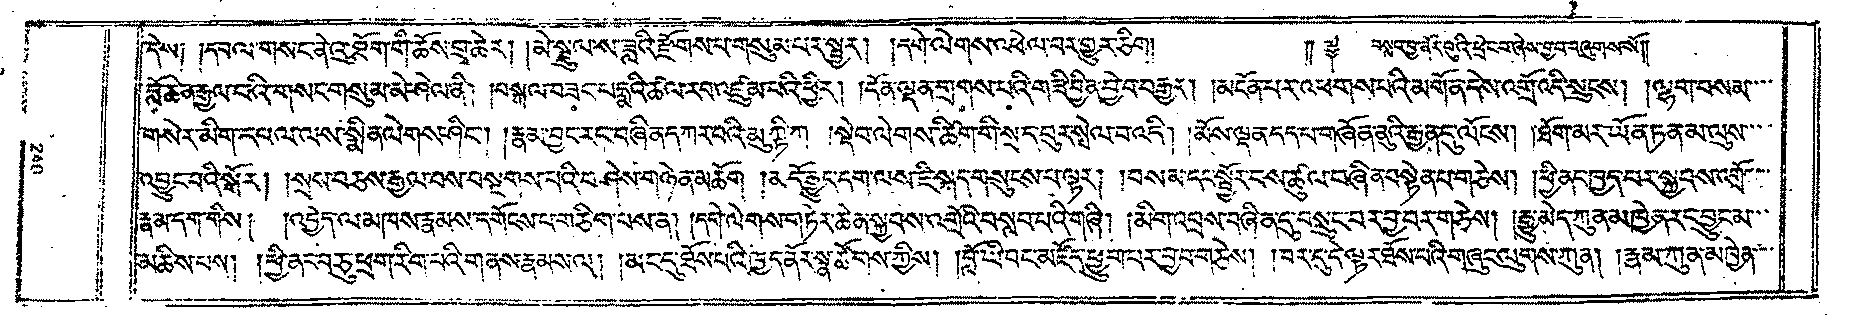དེས། །དཔལ་གསང་ནེ་འུ་ཐོག་གི་ཆོས་གྲྭ་ཆེར། །མེ་སྦྲུལ་ས་ཟླའི་རྫོགས་པ་གསུམ་པར་སྦྱར། །དགེ་ལེགས་འཕེལ་བར་གྱུར་ཅིག ། །། ༈ བསླབ་བྱ་ནོར་བུའི་ཕྲེང་བ་ཞེས་བྱ་བ་བཞུགས་སོ།།
བློ྾་ཆེན་རྒྱལ་བའི་གསང་གསུམ་མེ་ཤེལ་ནི། །བསྐལ་བཟང྾་པདམའི་ཚལ་རབ་འཛུམ་པའི་ཕྱིར། །དོན་ལྡན་གྲགས྾་པའི྾་གཟི་བྱིན་བྱེ་བ་བརྒྱར། །མངོན་པར་འཕགས་པའི་མགོན་དེས་འགྲོ་འདི་སྲུངས། །ལྷག་བསམ་
གསེར་མིག་དཔལ་ལས་སྨིན་ལེགས་ཤིང་། །རྣམ་བྱང་རང་བཞིན་དཀར་བའི་མུཀྟི་ཀ །སྡེབ་ལེགས་ཚིག་གི་སྲད་བུར་སྤེལ་བ་འདི། །མོས་ལྡན་དད་པ་གཞོན་ནུའི་རྒྱན་དུ་ལོངས། །ཐོག་མར་ཡོན་ཏན་མ་ལུས་
འབྱུང་བའི་སྒོར། །སྲས་བཅས་རྒྱལ་བས་བསྔགས་པའི་བཤེས་གཉེན་མཆོག །མདོ་རྒྱུད་དག་ལས་ཇི་སྐད་གསུངས་པ་ལྟར། །བསམ་དང་སྦྱོར་བས་ཚུལ་བཞིན་བསྟེན་པ་གཅེས། །ཕྱི་ནང་ཁྱད་པར་སྐྱབས་འགྲོ་
རྣམ་དག་གིས། །འབྱེད་ལ་མཁས་རྣམས་དགོངས་པ་གཅིག་པས་ན། །དགེ་ལེགས་གཏེར་ཆེན་སྐྱབས་འགྲོའི་བསླབ་པའི་གཞི། །མིག་འབྲས་བཞིན་དུ་བསྲུང་བར་བྱ་བར་གཅེས། །རྒྱུ་མེད་ཀུན་མཁྱེན་རང་བྱུང་མ་མཆིས་པས། །ཕྱི་ནང་བཅུ་ཕྲག་རིག་པའི་གནས་རྣམས་ལ། །མང་དུ་ཐོས་པའི་ཁྱད་ནོར་སྣ་ཚོགས་ཀྱིས། །བློ་ཡི་བང་མཛོད་ཕྱུག་པར་བྱ་བ་གཅེས། །བར་དུ་དེ་ལྟར་ཐོས་པའི་གཞུང་ལུགས་ཀུན། །རྣམ་ཀུན་མཁྱེན་